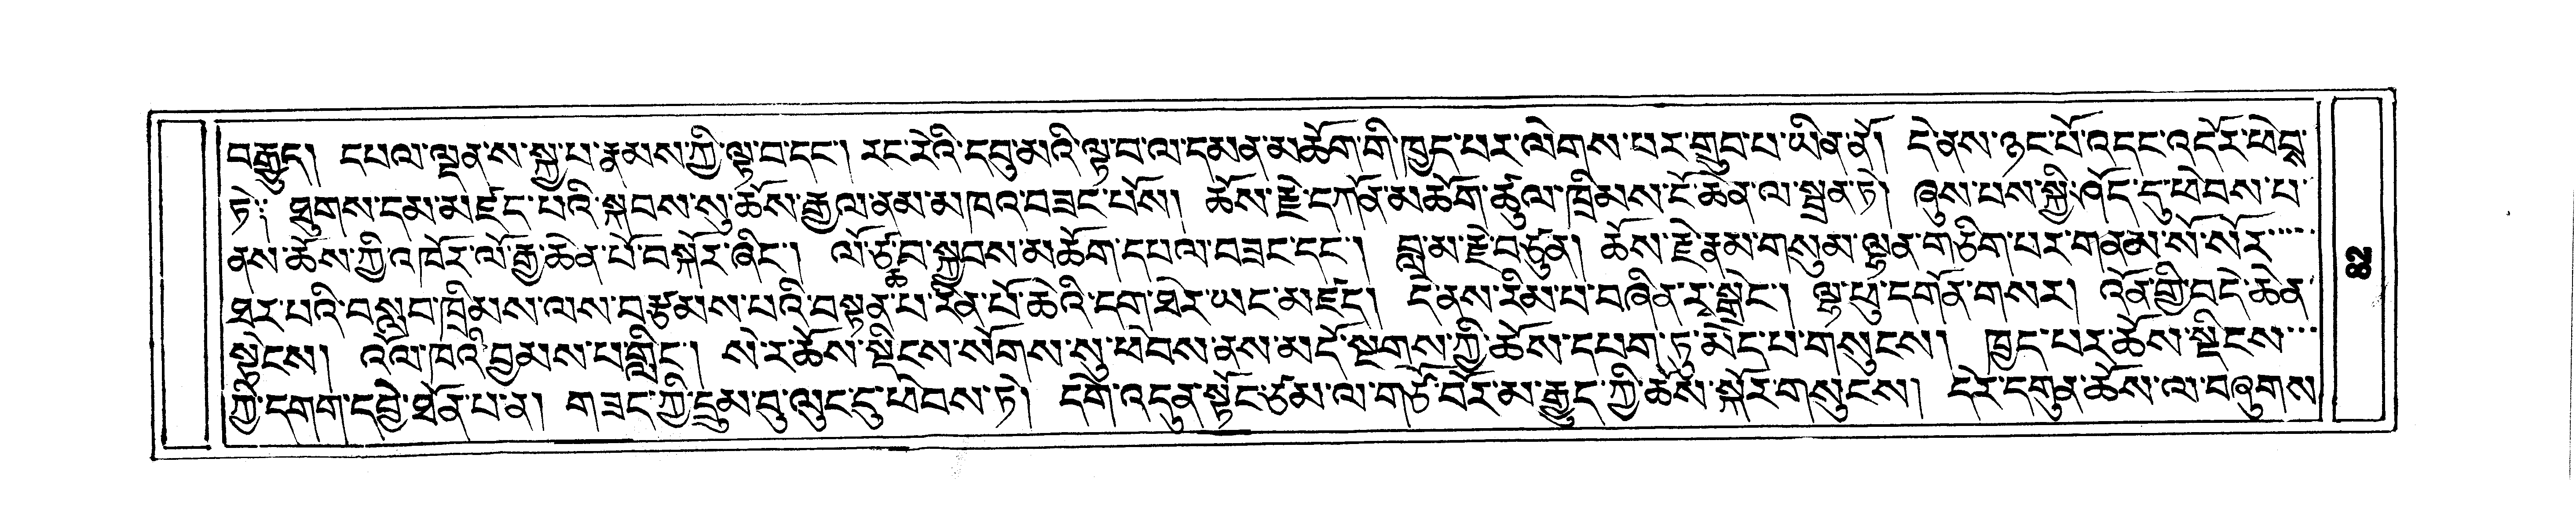བརྒྱུད། དཔལ་ལྡན་ས་སྐྱ་པ་རྣམས་ཀྱི་ལྟ་བ་དང་། རང་རེའི་དབུ་མའི་ལྟ་བ་ལ་དམན་མཆོག་གི་ཁྱད་པར་ལེགས་པར་གྲུབ་པ་ཡིན་ནོ། དེ་ནས་ཉང་པོ་འདང་འདོར་ཕེབས་
ཏེ༑ ཐུགས་དམ་མཛད་པའི་སྐབས་སུ་ཆོས་རྒྱལ་ནམ་མཁའ་བཟང་པོས། ཆོས་རྗེ་དཀོན་མཆོག་ཚུལ་ཁྲིམས་ངོ་ཆེན་ལ་སྦྲན་ཏེ། ཞུས་པས་སྐྱི་ཤོད་དུ་ཕེབས་པ་
ནས་ཆོས་ཀྱི་འཁོར་ལོ་རྒྱ་ཆེན་པོ་བསྐོར་ཞིང་། ལོ་ཙྪ་བ་སྐྱབས་མཆོག་དཔལ་བཟང་དང་། བླ་མ་རྗེ་བཙུན། ཆོས་རྗེ་རྣམ་གསུམ་ལྷན་གཅིག་པར་གནམ་སོ་སོར་
ཐར་པའི་བསླབ་ཁྲིམས་ལས་བརྩམས་པའི་བསྟན་པ་རིན་པོ་ཆེའི་དག་ཐེར་ཡང་མཛད། དེ་ནས་རིམ་པ་བཞིན་རྭ་སྒྲེང་། ལྷ་ཕུ་དགོན་གསར། འོན་གྱི་བདེ་ཆེན་
སྟེངས། འོལ་ཁའི་བྱམས་པ་གླིང་། སེ་ར་ཆོས་སྡིངས་སོགས་སུ་ཕེབས་ནས་མདོ་སྔགས་ཀྱི་ཆོས་དཔག་ཏུ་མེད་པ་གསུངས། ཁྱད་པར་ཆོས་སྡིངས་
ཀྱི་དགག་དབྱེ་ཐོན་པ་ན། གཟད་ཀྱི་དྲུམ་བུ་ལུང་དུ་ཕེབས་ཏེ། དགེ་འདུན་སྟོང་ཙམ་ལ་གཙོ་བོར་མ་རྒྱུད་ཀྱི་ཆོས་སྐོར་གསུངས། དེར་དགུན་ཆོས་ལ་བཞུགས་